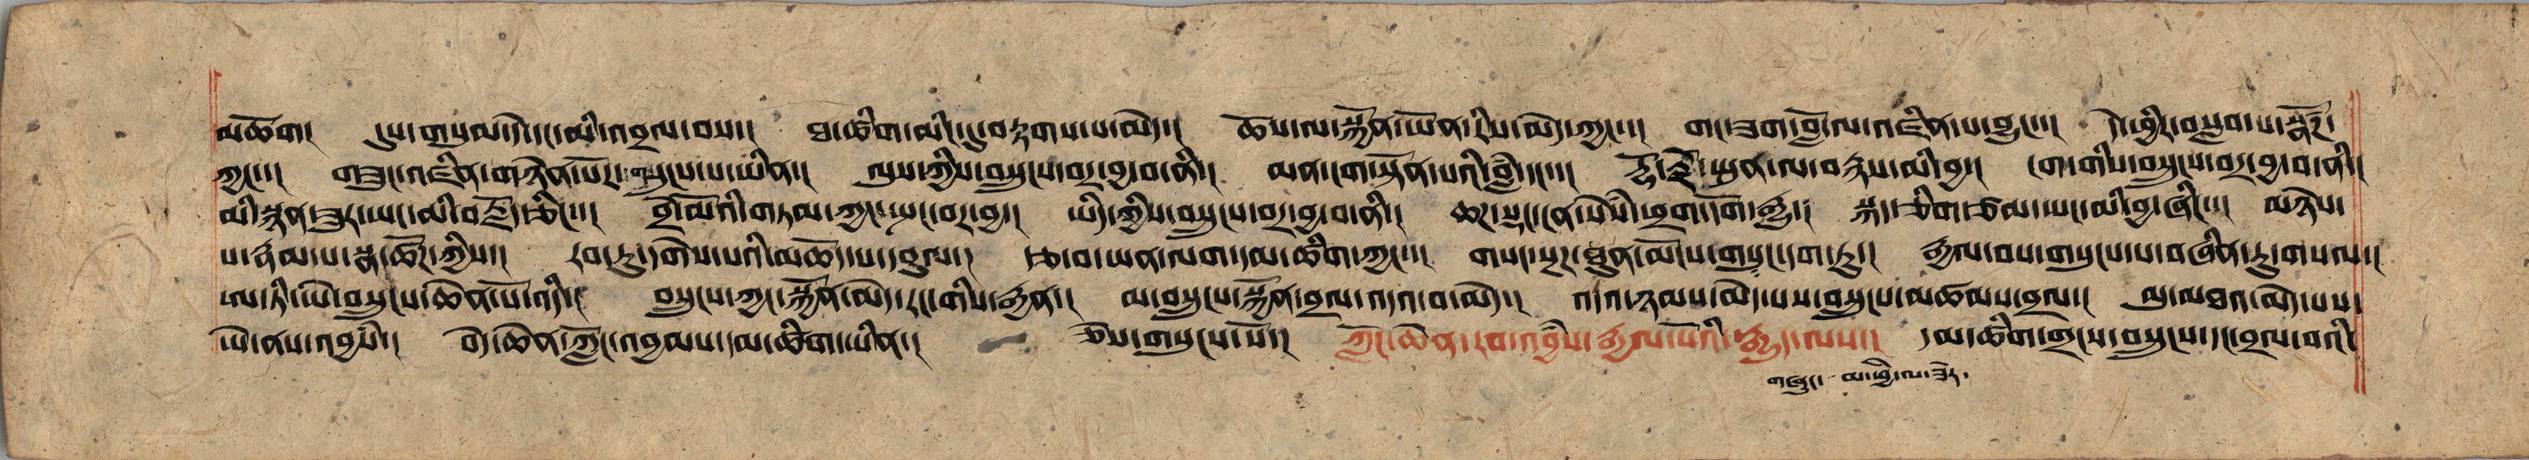མཆོག། དུས་གསུམ་དེ་དང་མི་འབྲལ་བས་། ཐ་ཚིག་མིང་དུ་བརྟགས་པ་མེད་། ཆོས་ལ་སྐྱོན་ཡོན་རིས་མེད་ཀྱང་། གང་ཟག་བློ་ལ་འཛིན་པ་བྱུང་་། དེ་ཕྱིར་བསླབ་པ་སྣཚོཌ་
ཀྱང་་། གཟུང་འཛིན་གཉེན་པོར་གསུངས་པ་ཡིན་། ལུས་ཀྱིས་བསྲུངས་བར་བྱ་བ་ནི་། མན་ངག་སྟོན་པའི་བླཾ་དང་་། རྡོ་རྗེ་སྤུན་ལ་བརྙས་མི་བྱ་། ངག་གིས་བསྲུངས་བར་བྱ་བ་ནི་།
མི་སྙན་ཟུར་ཡང་མི་བརྗོད་ཅིང་་། བྲེ་མོའི་གཏམ་ཀྱང་སྤང་བར་བྱ་། ཡིད་ཀྱིས་བསྲུངས་བར་བྱ་བ་ནི་། ཆཌ་སྡང་ངན་སེཾས་ཕྲག་དོག་རྒྱུ་། སྐད་ཅིག་ཙམ་ཡང་མི་བྱ་ཞིང་་། མཉེས་
པ་རྣམ་པ་སྣ་ཚོཌ་ཀྱིས་། རབ་ཏུ་དགེས་པའི་མཆོད་པ་དབུལ་། རྩ་བ་ཡན་ལག་དམ་ཚིག་ཀྱང་་། གསང་སྔཌ་ཐུན་མོངས་གསུང་དག་ཏུ་། རྒྱལ་བས་གསུངས་པ་བཞིན་ཏུ་གསལ་།
ཨ་ཏི་ཡེ་བསྲུངས་ཆེན་པོ་འདི་། བསྲུངས་ཀྱང་སྐྱོན་མེད་རང་གིས་རྒྱན་། མ་བསྲུངས་སྐྱོན་བྲལ་འདའ་བ་མེད་། འདའ་ཉམས་མེད་པས་བསྲུངས་མཚམས་བྲལ་། མུ་མཐའ་མེད་པས་
ཡེ་ནས་འབྱཾས་། བདེ་ཆེན་ཀློང་འབྱམས་དམ་ཚིག་ཡིན་། ཅེས་གསུངས་སོ་། ཀློང་ཆེན་རབ་འབྱཾས་རྒྱལ་པོའི་རྒྱུད་ལས་། དམ་ཚིག་གྲངས་བསྲུངས་དང་བྲལ་བའི་